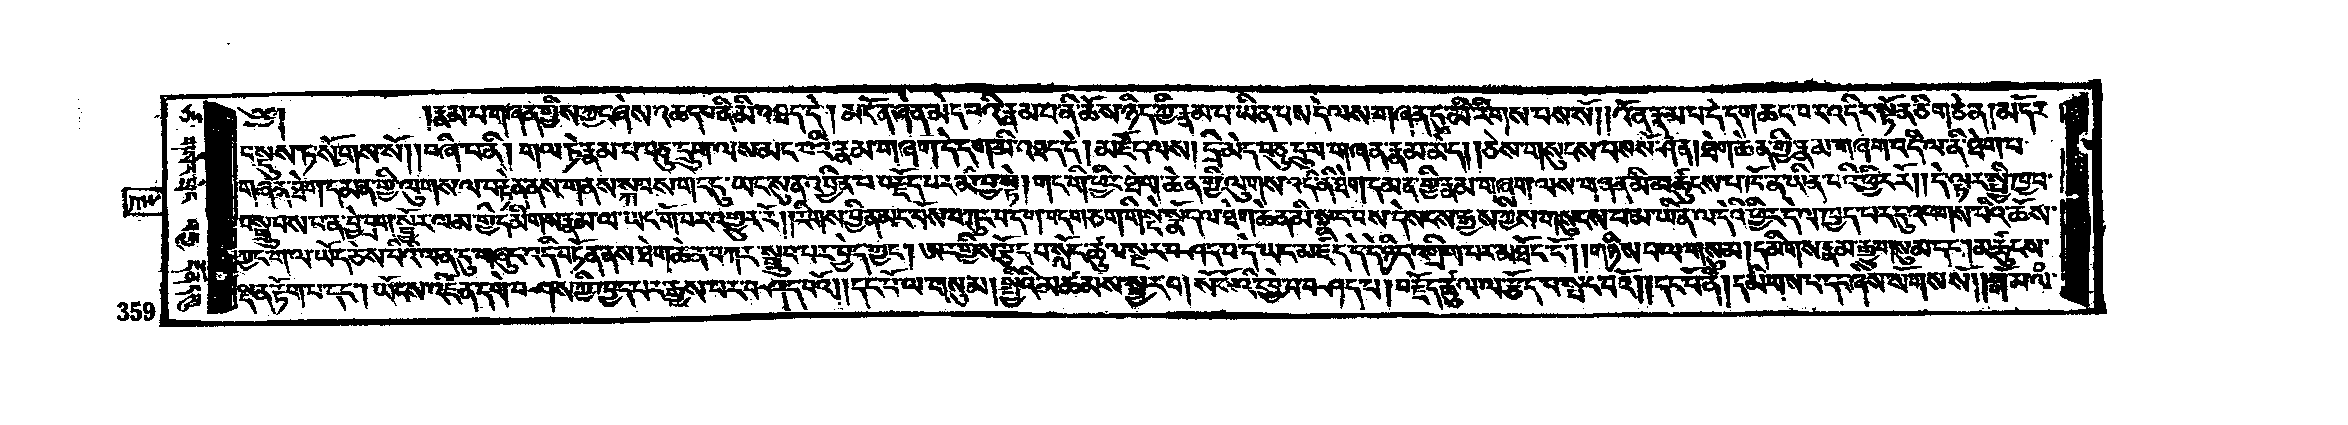༄༅། །རྣམ་པ་གཞན་གྱིས་ཀྱང་ཞེས་འཆད་པ་ནི་མི་འཐད་དེ། མངོན་ཞེན་མེད་པའི་རྣམ་པ་ནི་ཆོས་ཉིད་ཀྱི་རྣམ་པ་ཡིན་པས་དེ་ལས་གཞན་དུ་མི་རིགས་པས་སོ། །འོ་ན་རྣམ་པ་དེ་དག་ཆང་བར་འདིར་སྟོན་ཅིག་ཅེ་ན། མདོར་
བསྡུས་ཏ་སོགས་སོ། །བཞི་པ་ནི། གལ་ཏེ་རྣམ་པ་བཅུ་དྲུག་ལས་མང་བའི་རྣམ་གཞག་དེ་དག་མི་འཐད་དེ། མཛོད་ལས། དྲི་མེད་བཅུ་དྲུག་གཞན་རྣམ་མེད། །ཅས་གསུངས་པས་སོ་ཞེ་ན། ཐེག་ཆེན་གྱི་རྣམ་གཞག་འདི་ལ་ནི་ཐེག་པ་
གཞན་ཐེག་དམན་གྱི་ལུགས་ལ་བརྟེན་ནས་གནས་སྐབས་གང་དུ་ཡང་སུན་འབྱིན་པ་བརྗོད་པར་མི་བྱ་སྟེ། གང་གི་ཕྱིར་ཐེག་ཆེན་གྱི་ལུགས་འདི་ནི་ཐེག་དམན་གྱི་རྣམ་གཞག་ལས་གཞན་མི་མཚུངས་པ་ཁོ་ན་ཡིན་པའི་ཕྱིར་རོ། །དེ་ལྟར་སྤྱི་ཁྱབ་
བསྒྲུབས་པ་ན་བྱེ་བྲག་སྦྱོར་ལམ་གྱི་དམིགས་རྣམ་ལ་ཡང་གོ་བར་འགྱུར་རོ། །རིགས་བྱིན་མང་པོས་བཀུར་བ་དག་བདག་ཅག་གི་སྡེ་སྣོད་ལ་ཐེག་ཆེན་མི་སྣང་བས་དེ་སངས་རྒྱས་ཀྱིས་གསུངས་པ་མ་ཡིན་ལ་དེའི་ཕྱིར་དེ་ལ་ཁྱད་པར་དུ་འཕགས་པའི་ཆོས་
ཀྱང་ག་ལ་ཡོད་ཅེས་པའི་ལན་དུ་གཞུང་འདི་བཏོན་ནས་ཐེག་ཆེན་བཀར་སྒྲུབ་པར་བྱེད་ཀྱང་། ཨར་གྱིས་རྩོད་པ་སློང་ཚུལ་སྔར་བཤད་པ་དེ་ཡང་མཛད་དེ་དེ་ཉིད་འགྲིག་པར་མཐོང་ངོ། །གཉིས་པ་ལ་གསུམ། དམིགས་རྣམ་རྒྱུ་གསུམ་དང་། མཚུངས་
ལྡན་རྟོག་པ་དང་། ཡོངས་འཛིན་དགེ་བཤེས་ཀྱི་ཁྱད་པར་རྒྱས་པར་བཤད་པའོ། །དང་པོ་ལ་གསུམ། སྤྱིའི་མཚམས་སྦྱར་བ། སོ་སོའི་དབྱེ་བ་བཤད་པ། བརྗོད་ཚུལ་ལ་རྩོད་པ་སྤང་བའོ། །དང་པོ་ནི། དམིགས་པ་དང་ཞེས་སོགས་སོ། །སྒོམ་ལམ་